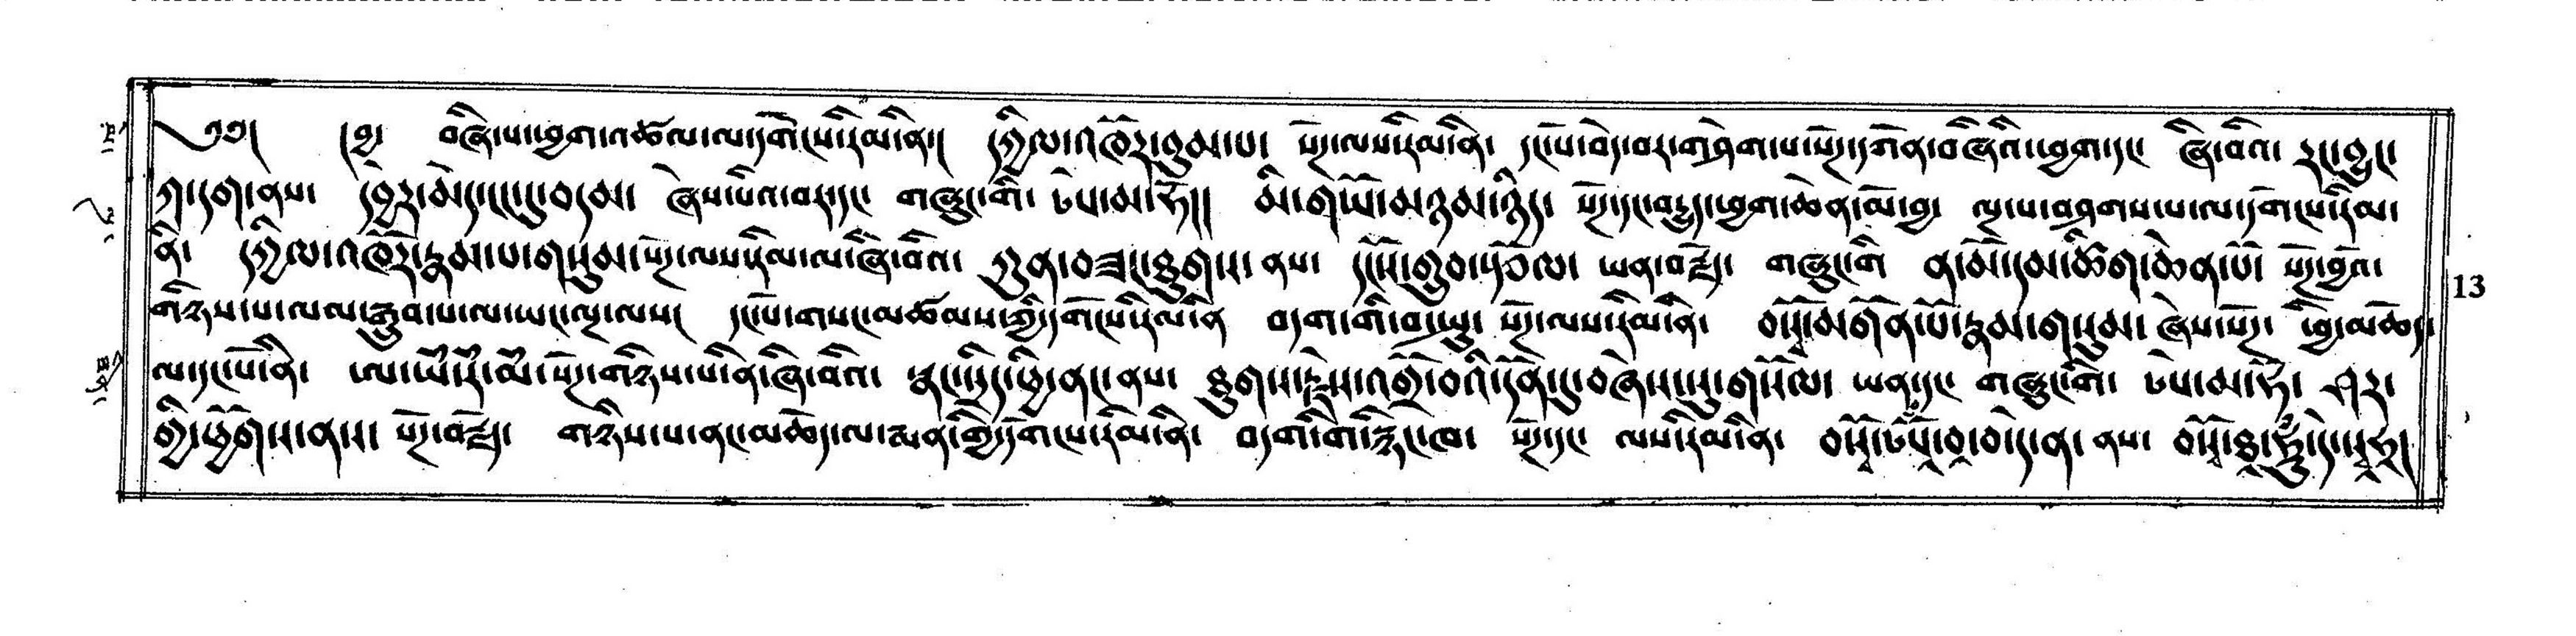བྱ། བཞི་པ་ཕྱག་འཚལ་ལ་དགོངས་རིམ་ནི། དཀྱིལ་འཁོར་བུམ་པ་སོགས་ལས་རིམ་ནི་དང་པོ་བདེ་བར་གཤེགས་པ་སོགས་དཀོན་བཞིའི་ཕྱག་དང་ཞི་བའི་རང་བྱུང་
ཀ་དག་ནས་དབྱེར་མེད་ངང་དུ་བདམ་ཞེས་པའི་བར་དང་གཞུང་གི་ཨེ་མ་ཧོ།། མི་གཡོ་མཉམ་ཉིད་སོགས་དང་བརྒྱུད་ཕྱག་ཆེན་མོ་བྱ། ལྔ་པ་བཤགས་པ་ལ་དགོངས་རིམ་
ནི་དཀྱིལ་འཁོར་རྣམ་པ་གསུམ་སོགས་ལས་རིམ་ལ་ཞི་བའི་ཀུན་བཟང་ཐུགས་ནས་དངོས་གྲུབ་སྩོལ་ཡན་བརྗོད་གཞུང་གི་ན་མོ་དམ་ཚིག་ཆེན་པོ་སོགས་བྱའོ།
གཉིས་པ་ལམ་སྒྲུབ་པ་ལ་ཡང་ལྔ་ལས། དང་པོ་གསང་མཚམས་ཀྱི་དགོངས་རིམ་ནི། བདག་གི་བ་སྤུ་སོགས་ལས་རིམ་ནི་བསྭོ་མགོན་པོ་རྣམ་གསུམ་ཞེས་སོགས་ཕྱི་མཆོད་
ལ་དང་པོ་ནི་ཨ་ཡཾ་རཾ་མཾ་སོགས་གཉིས་པ་ནི་ཞི་བའི་སྣང་སྲིད་ཕྱི་ནང་ནས་ཐུགས་རྗེས་འགྲོ་བའི་དོན་དུ་བཞེས་སུ་གསོལ་ཡན་དང་གཞུང་གི་ཨེ་མ་ཧོ་ཤར་
གྱི་ཕྱོགས་ནས་སོགས་བརྗོད།གཉིས་པ་ནང་མཆོད་ལ་སྨན་གྱི་དགོངས་རིམ་ནི་བདག་གི་སྙིང་ཁ་སོགས་དང་ལས་རིམ་ནི་བསྭོ་ཨཱོཾ་བཱ་བ་དེ་ན་ནས་བསྭོ་ཐཱ་ཧཱུཾ་དེ་སྭཱཧཱ།